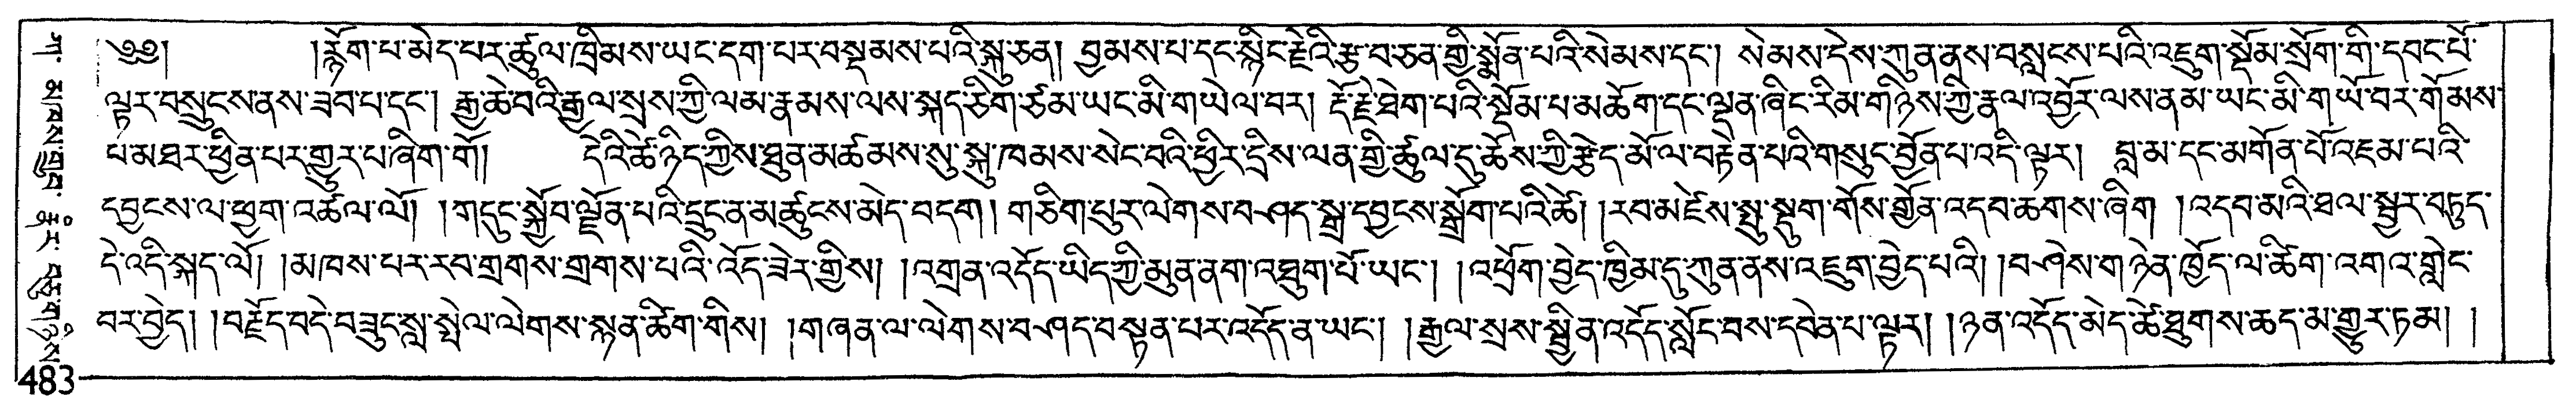༄༅། །རྙོག་པ་མེད་པར་ཚུལ་ཁྲིམས་ཡང་དག་པར་བསྡམས་པའི་སྐུ་ཅན། བྱམས་པ་དང་སྙིང་རྗེའི་རྩ་བ་ཅན་གྱི་སྨོན་པའི་སེམས་དང་། སེམས་དེས་ཀུན་ནས་བསླངས་པའི་འཇུག་སྡོམ་སྲོག་གི་དབང་པོ་
ལྟར་བསྲུངས་ནས་ཟབ་པ་དང་། རྒྱ་ཆེ་བའི་རྒྱལ་སྲས་ཀྱི་ལམ་རྣམས་ལས་སྐད་ཅིག་ཙམ་ཡང་མི་གཡེལ་བར། རྡོ་རྗེ་ཐེག་པའི་སྡོམ་པ་མཆོག་དང་ལྡན་ཞིང་རིམ་གཉིས་ཀྱི་རྣལ་འབྱོར་ལས་ནམ་ཡང་མི་གཡོ་བར་གོམས་
པ་མཐར་ཕྱིན་པར་གྱུར་པ་ཞིག་གོ །དེའི་ཚེ་ཉིད་ཀྱིས་ཐུན་མཚམས་སུ་སྐུ་ཁམས་སེང་བའི་ཕྱིར་དྲིས་ལན་གྱི་ཚུལ་དུ་ཆོས་ཀྱི་རྩེད་མོ་ལ་བརྟེན་པའི་གསུང་བྱོན་པ་འདི་ལྟར། བླ་མ་དང་མགོན་པོ་འཇམ་པའི་
དབྱངས་ལ་ཕྱག་འཚལ་ལོ། །གདུང་སྐྱོབ་ལྗོན་པའི་དྲུང་ན་མཚུངས་མེད་བདག །གཅིག་པུར་ལེགས་བཤད་སྒྲ་དབྱངས་སྒྲོག་པའི་ཚེ། །རབ་མཛེས་སྤུ་སྡུག་གོས་གྱོན་འདབ་ཆགས་ཞིག །འདབ་མའི་ཐལ་སྦྱར་བཏུད་
དེ་འདི་སྐད་ལོ། །མཁས་པར་རབ་གྲགས་གྲགས་པའི་འོད་ཟེར་གྱིས། །འགྲན་འདོད་ཡིད་ཀྱི་མུན་ནག་འཐུག་པོ་ཡང་། །འཕྲོག་བྱེད་ཁྱིམ་དུ་ཀུན་ནས་འཇུག་བྱེད་པའི། །བཤེས་གཉེན་ཁྱོད་ལ་ཚིག་འགའ་གླེང་
བར་བྱེད། །བརྗོད་བདེ་བཟུང་སླ་སྤེལ་ལེགས་སྙན་ཚིག་གིས། །གཞན་ལ་ལེགས་བཤད་བསྟན་པར་འདོད་ན་ཡང་། །རྒྱལ་སྲས་སྦྱིན་འདོད་སློང་བས་དབེན་པ་ལྟར། །ཉན་འདོད་མེད་ཚེ་ཐུགས་ཆད་མ་གྱུར་ཏམ། །